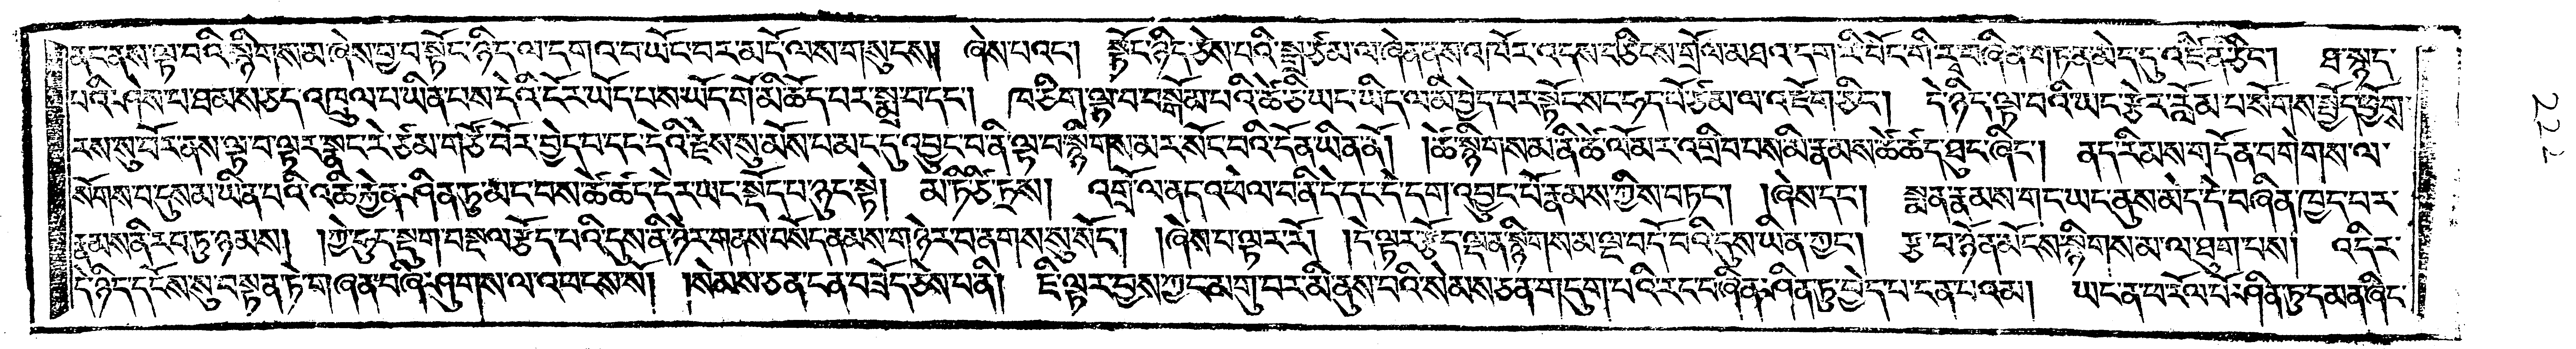ནང་ནས་ལྟ་བའི་སྙིགས་མ་ཞེས་བྱ་བ་སྟོང་ཉིད་ལ་དགའ་བ་ཡོང་བར་མདོ་ལས་གསུངས། ཞེས་པའང་། སྟོང་ཉིད་ཅེས་པའི་སྒྲ་ཙམ་ལ་ཞེན་ནས་འཁོར་འདས་བཅིངས་གྲོལ་མཐའ་དག་རི་བོང་གི་རྭ་བཞིན་གཏན་མེད་དུ་འཛིན་ཅིང་། ཐ་སྙད་
པའི་ཤེས་པ་ཐམས་ཅད་འཁྲུལ་པ་ཡིན་པས་དེའི་དོར་ཡོད་པས་ཡོད་གོ་མི་ཆོད་པར་སྨྲ་བ་དང་། ཁ་ཅིག་ལྟ་བ་བསྒོམ་པའི་ཚེ་ཅི་ཡང་ཡིད་ལ་མི་བྱེད་བར་སྟོང་སང་ཧད་པོ་ཙམ་ལ་འཇོག་ཅིང་། དེ་ཉིད་ལྟ་བའི་ཡང་རྩེར་རློམ་པ་སོགས་སྤྱོད་ཕྱོགས་
རས་སུ་པོར་ནས་ལྷ་བ་ལྟར་སྣང་རེ་ཙམ་གཙོ་བོར་བྱེད་པ་དང་དེའི་རྗེས་སུ་མོས་པ་མང་དུ་འབྱུང་བ་ནི་ལྟ་བ་སྙིགས་མར་སོང་བའི་དོན་ཡིན་ནོ། །ཚེ་སྙིགས་མ་ནི་ཚེ་ལོ་མར་འགྲིབ་པས་མི་རྣམས་ཚེ་ཚད་ཐུང་ཞིང་། ནད་རིམས་གདོན་བགེགས་ལ་
སོགས་བ་དུས་མ་ཡིན་བའི་འཆི་རྐྱེན་ཤིན་ཏུ་མང་བས་ཚེ་ཚད་དོར་ཡང་སྡོད་པ་ཉུང་སྟེ། མ་ཏི་ཙི་ཏྲས། འགྲོ་ལ་ནད་འཕེལ་བ་ནི་དེ་དང་དེ་དག་འབྱུང་པོ་རྣམས་ཀྱིས་བཏང་། །ཞེས་དང་། སྨན་རྣམས་གང་ཡང་ནུས་མེད་དེ་བཞིན་ཁྱད་པར་
རྣམས་ནི་རབ་ཏུ་ཉམས། །ཀྱེ་ཧུད་སྡུག་བསྔལ་རྩོད་པའི་དུས་ནི་ཉེར་གནས་བསོད་ནམས་གཉེར་བ་ནགས་སུ་སོང་། །ཞེས་བ་ལྟར་རོ། །དེ་ལྟར་རྩོད་ལྡན་སྙིགས་མ་ལྔ་བདོ་བའི་དུས་ཡིན་ཀྱང་། རྩ་བ་ཉོན་མོངས་སྙིགས་མ་ལ་ཐུག་བས། འདིར་
དེ་ཉིད་དངོས་སུ་བསྟན་ཏེ་གཞན་བཞི་ཤུགས་ལ་འཕངས་སོ། །སེམས་ཅན་ངན་བཟོད་ཅེས་པ་ནི། ཇི་ལྟར་བྱས་ཀྱང་མགུ་བར་མི་ནུས་པའི་སེམས་ཅན་གདུག་པའི་རང་བཞིན་ཤིན་ཏུ་བྱེད་པ་ངན་པའམ། ཡང་ན་ཕ་རོལ་བོ་ཤིན་ཏུ་དམན་ཞིང་